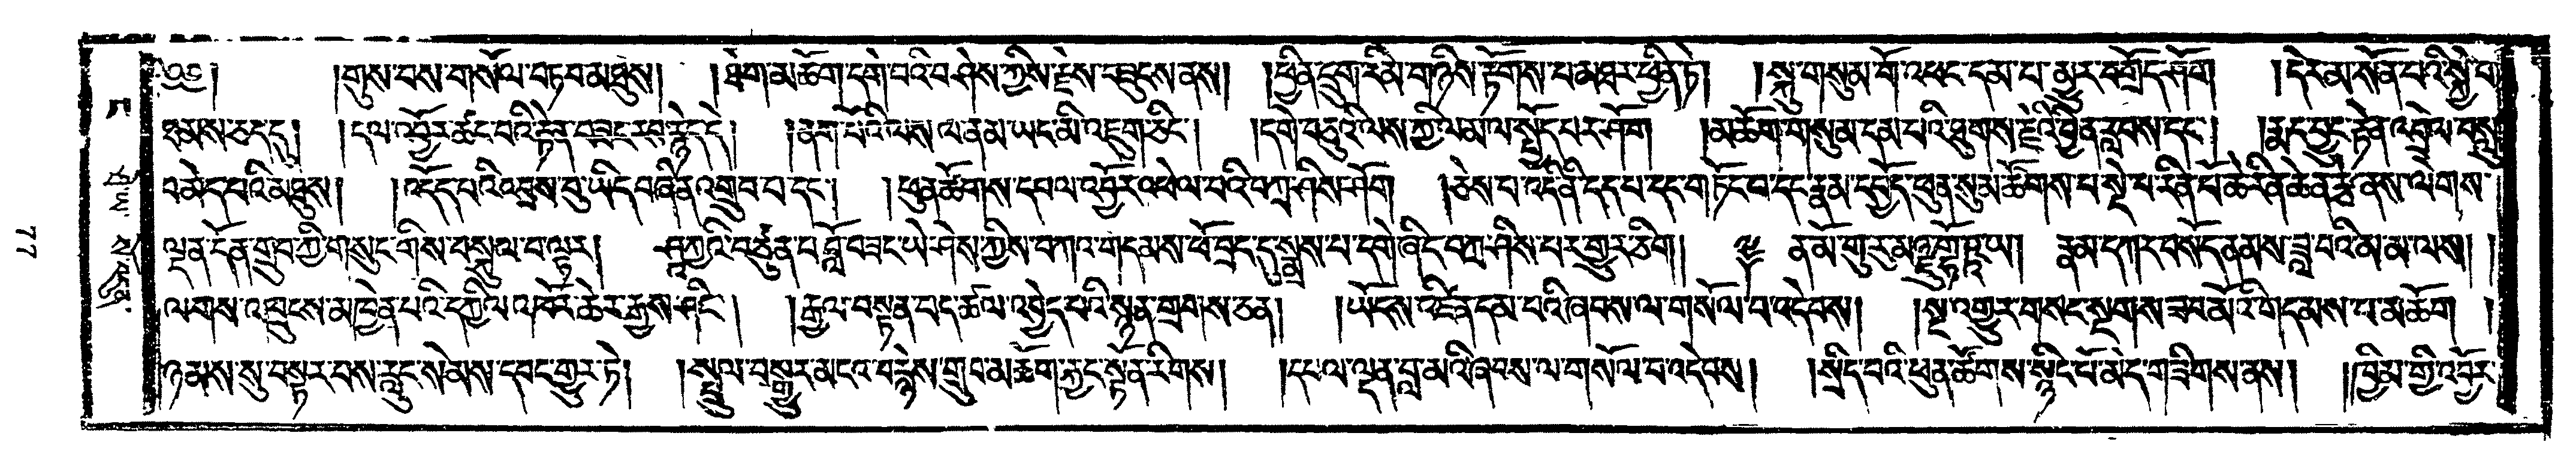༄༅། །གུས་བས་གསོལ་བཏབ་མཐུས། །ཐེག་མཆོག་དགེ་བའི་བཤེས་ཀྱིས་རྗེས་བཟུངས་ནས། །ཕྱིན་དྲུག་རིམ་གཉིས་རྟོགས་པ་མཐར་ཕྱིན་ཏེ། །སྐུ་གསུམ་གོ་འཕང་དམ་པ་མྱུར་བགྲོད་ཤོག །དེར་མ་སོན་པའི་སྐྱེ་བ་
ཐམས་ཅད་དུ། །དལ་འབྱོར་ཚང་བའི་རྟེན་བཟང་རབ་རྙེད་དེ། །ནག་པོའི་ལས་ལ་ནམ་ཡང་མི་འཇུག་ཅིང་། །དགེ་བཅུའི་ལས་ཀྱི་ལམ་ལ་སྤྱོད་པར་ཤོག །མཆོག་གསུམ་དམ་པའི་ཐུགས་རྗེའི་བྱིན་རླབས་དང་། །རྨང་བྱུང་རྟེན་འབྲེལ་བསླུ་
བ་མེད་པའི་མཐུས། །འདོད་པའི་འབྲས་བུ་ཡིད་བཞིན་འགྲུབ་པ་དང་། །ཕུན་ཚོགས་དཔལ་འབྱོར་འཕེལ་བའི་བཀྲ་ཤིས་ཤོག །ཅེས་པ་འདི་ནི་དད་པ་དང་གཏོང་བ་དང་རྣམ་དཔྱོད་ཕུན་སུམ་ཚོགས་པ་སྡེ་པ་རིན་པོ་ཆེ་རིན་ཆེན་རྩེ་ནས་ལེགས་
ལྡན་དོན་གྲུབ་ཀྱི་གསུང་གིས་བསྐུལ་བ་ལྟར། ཤཱཀྱའི་བཙུན་པ་བློ་བཟང་ཡེ་ཤེས་ཀྱིས་བཀའ་གདམས་ཕོ་བྲང་དུ་སྨྲས་པ་དགེ་ཞིང་བཀྲ་ཤིས་པར་གྱུར་ཅིག། ༈ ན་མོ་གུ་རུ་མཉྫུ་གྷོ་ཥཱ་ཡ། རྣམ་དཀར་བསོད་ནམས་ཟླ་བའི་མ་མ་ལས།
ལགས་འཁྲུངས་མཁྱེན་པའི་དཀྱིལ་འཁོར་ཆེར་རྒྱས་ཤིང་། །རྒྱལ་བསྟན་པད་ཚལ་འབྱེད་པའི་སྙན་གྲགས་ཅན། །ཡོངས་འཛིན་དམ་པའི་ཞབས་ལ་གསོལ་བ་འདེབས། །སྔ་འགྱུར་གསང་སྔགས་ཟབ་མོའི་གདམས་པ་མཆོག། །
ཉམས་སུ་བསྟར་བས་རླུང་སེམས་དབང་གྱུར་ཏེ། །སྤྲུལ་བསྒྱུར་མངའ་བརྙེས་གྲུབ་མཆོག་རྐྱང་སྟོན་རིགས། །དཔལ་ལྡན་བླ་མའི་ཞབས་ལ་གསོལ་བ་འདེབས། །སྲིད་བའི་ཕུན་ཚོགས་སྙིང་པོ་མེད་གཟིགས་ནས། །ཁྱིམ་གྱི་འབྱོར་